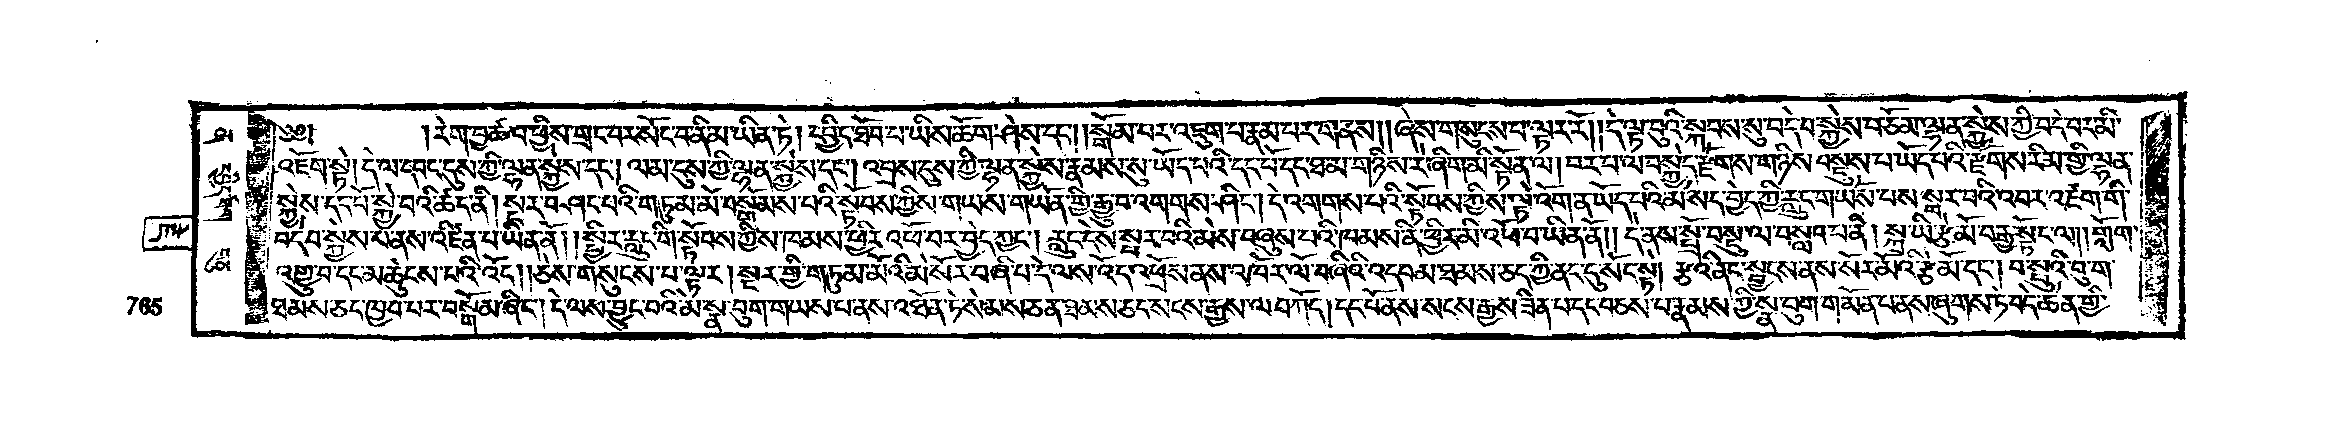༄༅། །རེག་བྱ་ཚ་བ་ཕྱིས་གྲང་བར་སོང་བ་ནི་མ་ཡིན་ཏེ། དཔྱིད་ཐོབ་པ་ཡིས་ཆོག་ཤེས་དང་། །སྒོམ་པར་འཇུག་པ་རྣམ་པར་གནས། །ཞེས་གསུངས་པ་ལྟར་རོ། །དེ་ལྟ་བུའི་སྐབས་སུ་བདེ་བ་སྐྱེས་པ་ཙམ་ལྷན་སྐྱེས་ཀྱི་བདེ་བར་མི་
འཇོག་སྟེ། དེ་ལ་དབང་དུས་ཀྱི་ལྷན་སྐྱེས་དང་། ལམ་དུས་ཀྱི་ལྷན་སྐྱེས་དང་། འབྲས་དུས་ཀྱི་ལྷན་སྐྱེས་རྣམས་སུ་ཡོད་པའི་དང་པོ་དང་ཐ་མ་གཉིས་རེ་ཞིག་མི་སྟོན་ལ། བར་པ་ལ་བསྐྱེད་རྫོགས་གཉིས་བསྡུས་པ་ཡོད་པའི་རྫོགས་རིམ་གྱི་ལྷན་
སྐྱེས་དང་པོ་སྐྱེ་བའི་ཚད་ནི། སྔར་བཤད་པའི་གཏུམ་མོ་བསྒོམས་པའི་སྟོབས་ཀྱིས་གཡས་གཡོན་གྱི་རྒྱུ་བ་འགགས་ཤིང་། དེ་འགགས་པའི་སྟོབས་ཀྱིས་ལྟེ་འོག་ན་ཡོད་པའི་མེ་སད་བྱེད་ཀྱི་རླུང་གཡོས་པས་སྦར་བའི་འབར་འཛག་གི་
བདེ་བ་སྐྱེས་པ་ནས་འཛིན་པ་ཡིན་ནོ། །སྤྱིར་རླུང་གི་སྟོབས་ཀྱིས་ཁམས་ཕྱིར་འཕོ་བར་བྱེད་ཀྱང་། རླུང་དེས་སྦར་བའི་མེས་བཞུས་པའི་ཁམས་ནི་ཕྱིར་མི་འཕོ་བ་ཡིན་ནོ། །དེ་ནས་སྤྲོ་བསྡུ་ལ་བསླབ་པ་ནི། སྐྲ་ཡི་རྩེ་མོ་བརྒྱ་སྟོང་ལ། །གློག་
འགྱུ་བ་དང་མཚུངས་པའི་འོད། །ཅེས་གསུངས་པ་ལྟར། སྔར་གྱི་གཏུམ་མོའི་མེ་སོར་བཞི་པ་དེ་ལས་འོད་འཕྲོས་ནས་འཁོར་ལོ་བཞིའི་འདབ་མ་ཐམས་ཅད་ཀྱི་ནང་དུ་སོང་སྟེ། རྩའི་ནང་སྦྱངས་ནས་སོར་མོའི་རྩེ་མོ་དང་། བ་སྤུའི་བུ་ག་
ཐམས་ཅད་ཁྱབ་པར་བསྒོམ་ཞིང་། དེ་ལས་བྱུང་བའི་མེ་སྣ་བུག་གཡས་པ་ནས་འཐོན་ཏེ་སེམས་ཅན་ཐམས་ཅད་སངས་རྒྱས་ལ་བཀོད། དང་པོ་ནས་སངས་རྒྱས་ཟིན་པ་དང་བཅས་པ་རྣམས་ཀྱི་སྣ་བུག་གཡོན་པ་ནས་ཞུགས་ཏེ་བདེ་ཆེན་གྱི་